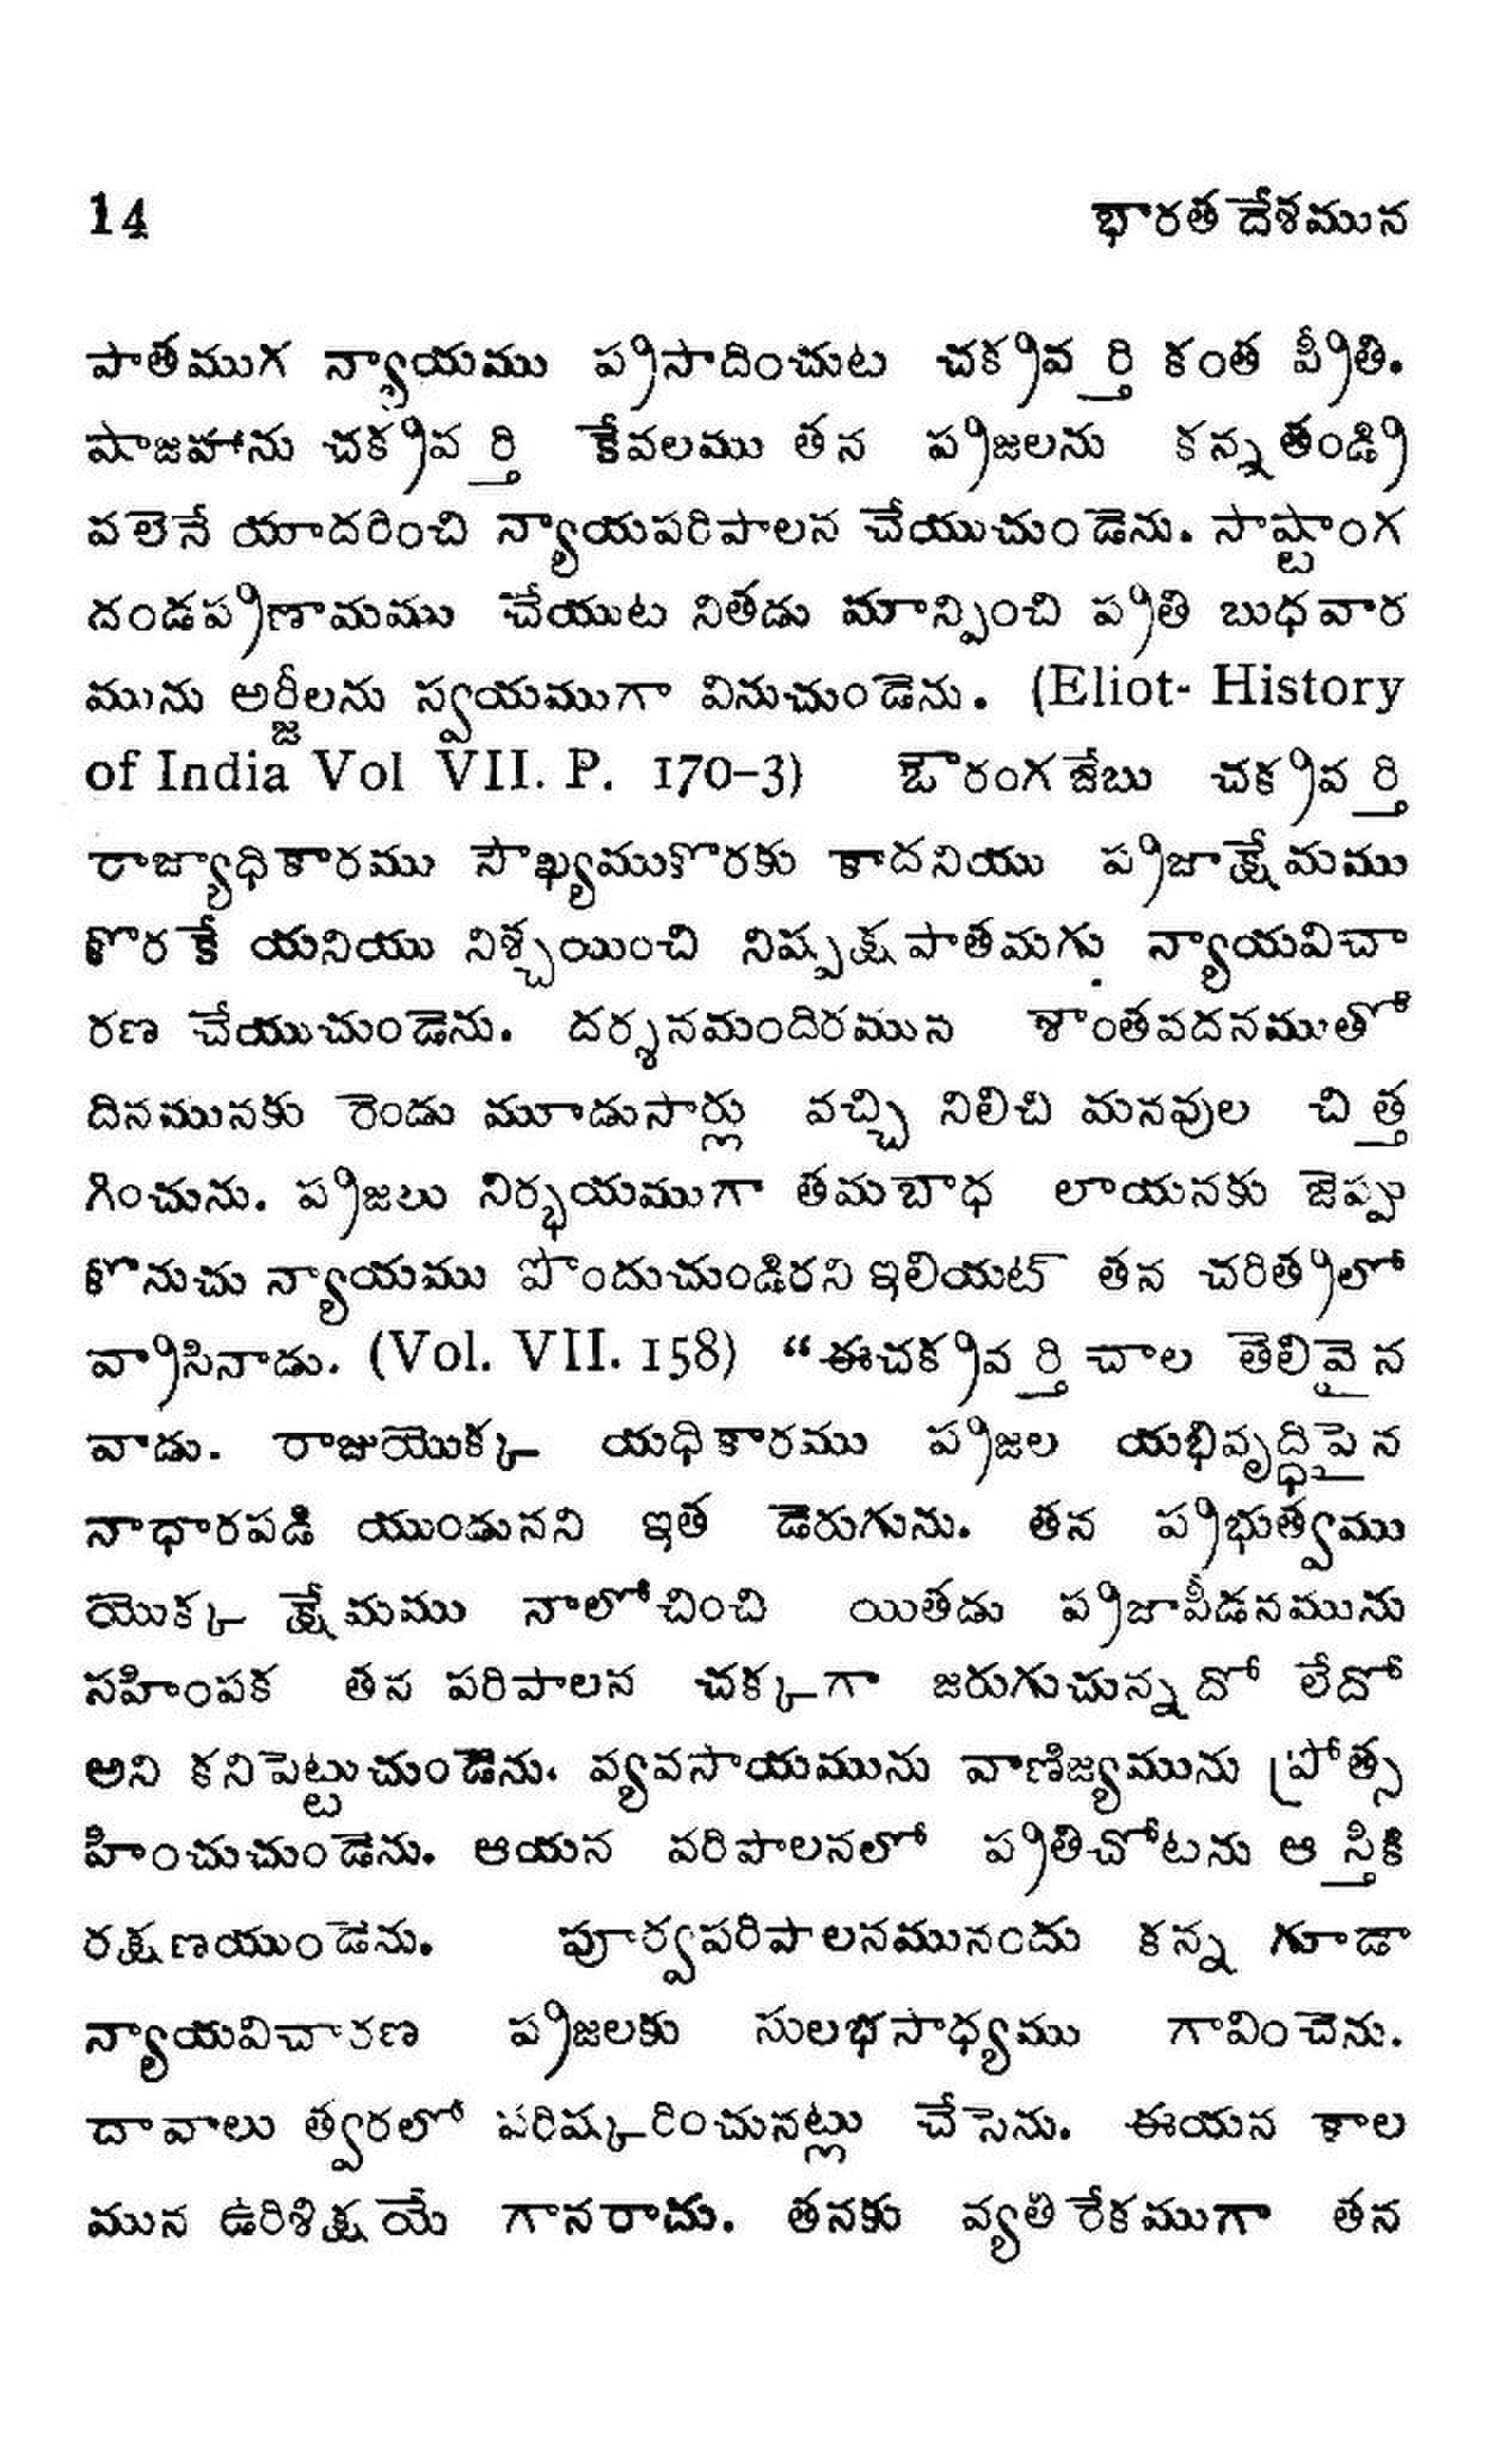పాతముగ న్యాయము ప్రసాదించుట చక్రవర్తి కంత ప్రీతి. పాజహాను చక్రవ ర్తి కేవలము తన ప్రజలను కన్నతండ్రివలెనే యాదరించి న్యాయపరిపాలన చేయుచుండెను. సాష్టాంగ దండప్రణామము చేయుట నితడు మాన్పించి ప్రతి బుధవారమును అర్జీలను స్వయముగా వినుచుండెను. (Eliot- History of India Vol VII. P. 170–3) ఔరంగజేబు చక్రవర్తి రాజ్యాధికారము సౌఖ్యముకొరకు కాదనియు ప్రజాక్షేమము కొరకే యనియు నిశ్చయించి నిష్పక్షపాతమగు న్యాయవిచారణ చేయుచుండెను. దర్శనమందిరమున శాంతవదనముతో దినమునకు రెండు మూడుసార్లు వచ్చి నిలిచి మనవుల చిత్తగించును. ప్రజలు నిర్భయముగా తమబాధ లాయనకు జెప్పుకొనుచు న్యాయము పొందుచుండిరని ఇలియట్ తన చరిత్రలో వాసినాడు. (Vol. VII. 158) “ఈచక్రవర్తి చాల తెలివైనవాడు. రాజుయొక్క యధికారము ప్రజల యభివృద్ధిపైన నాధారపడి యుండునని ఇత డెరుగును. తన ప్రభుత్వముయొక్క క్షేమము నాలోచించి యితడు ప్రజాపీడనమును సహింపక తన పరిపాలన చక్కగా జరుగుచున్నదో లేదో అని కనిపెట్టుచుండెను. వ్యవసాయమును వాణిజ్యమును ప్రోత్స హించుచుండెను. ఆయన వరిపాలనలో ప్రతిచోటను ఆస్తికి రక్షణయుండెను. పూర్వపరిపాలనమునందు కన్న గూడా న్యాయవిచారణ ప్రజలకు సులభసాధ్యము గావించెను. దావాలు త్వరలో పరిష్కరించునట్లు చేసెను. ఈయన కాలమున ఉరిశిక్షయే గానరాదు. తనకు వ్యతిరేకముగా తన